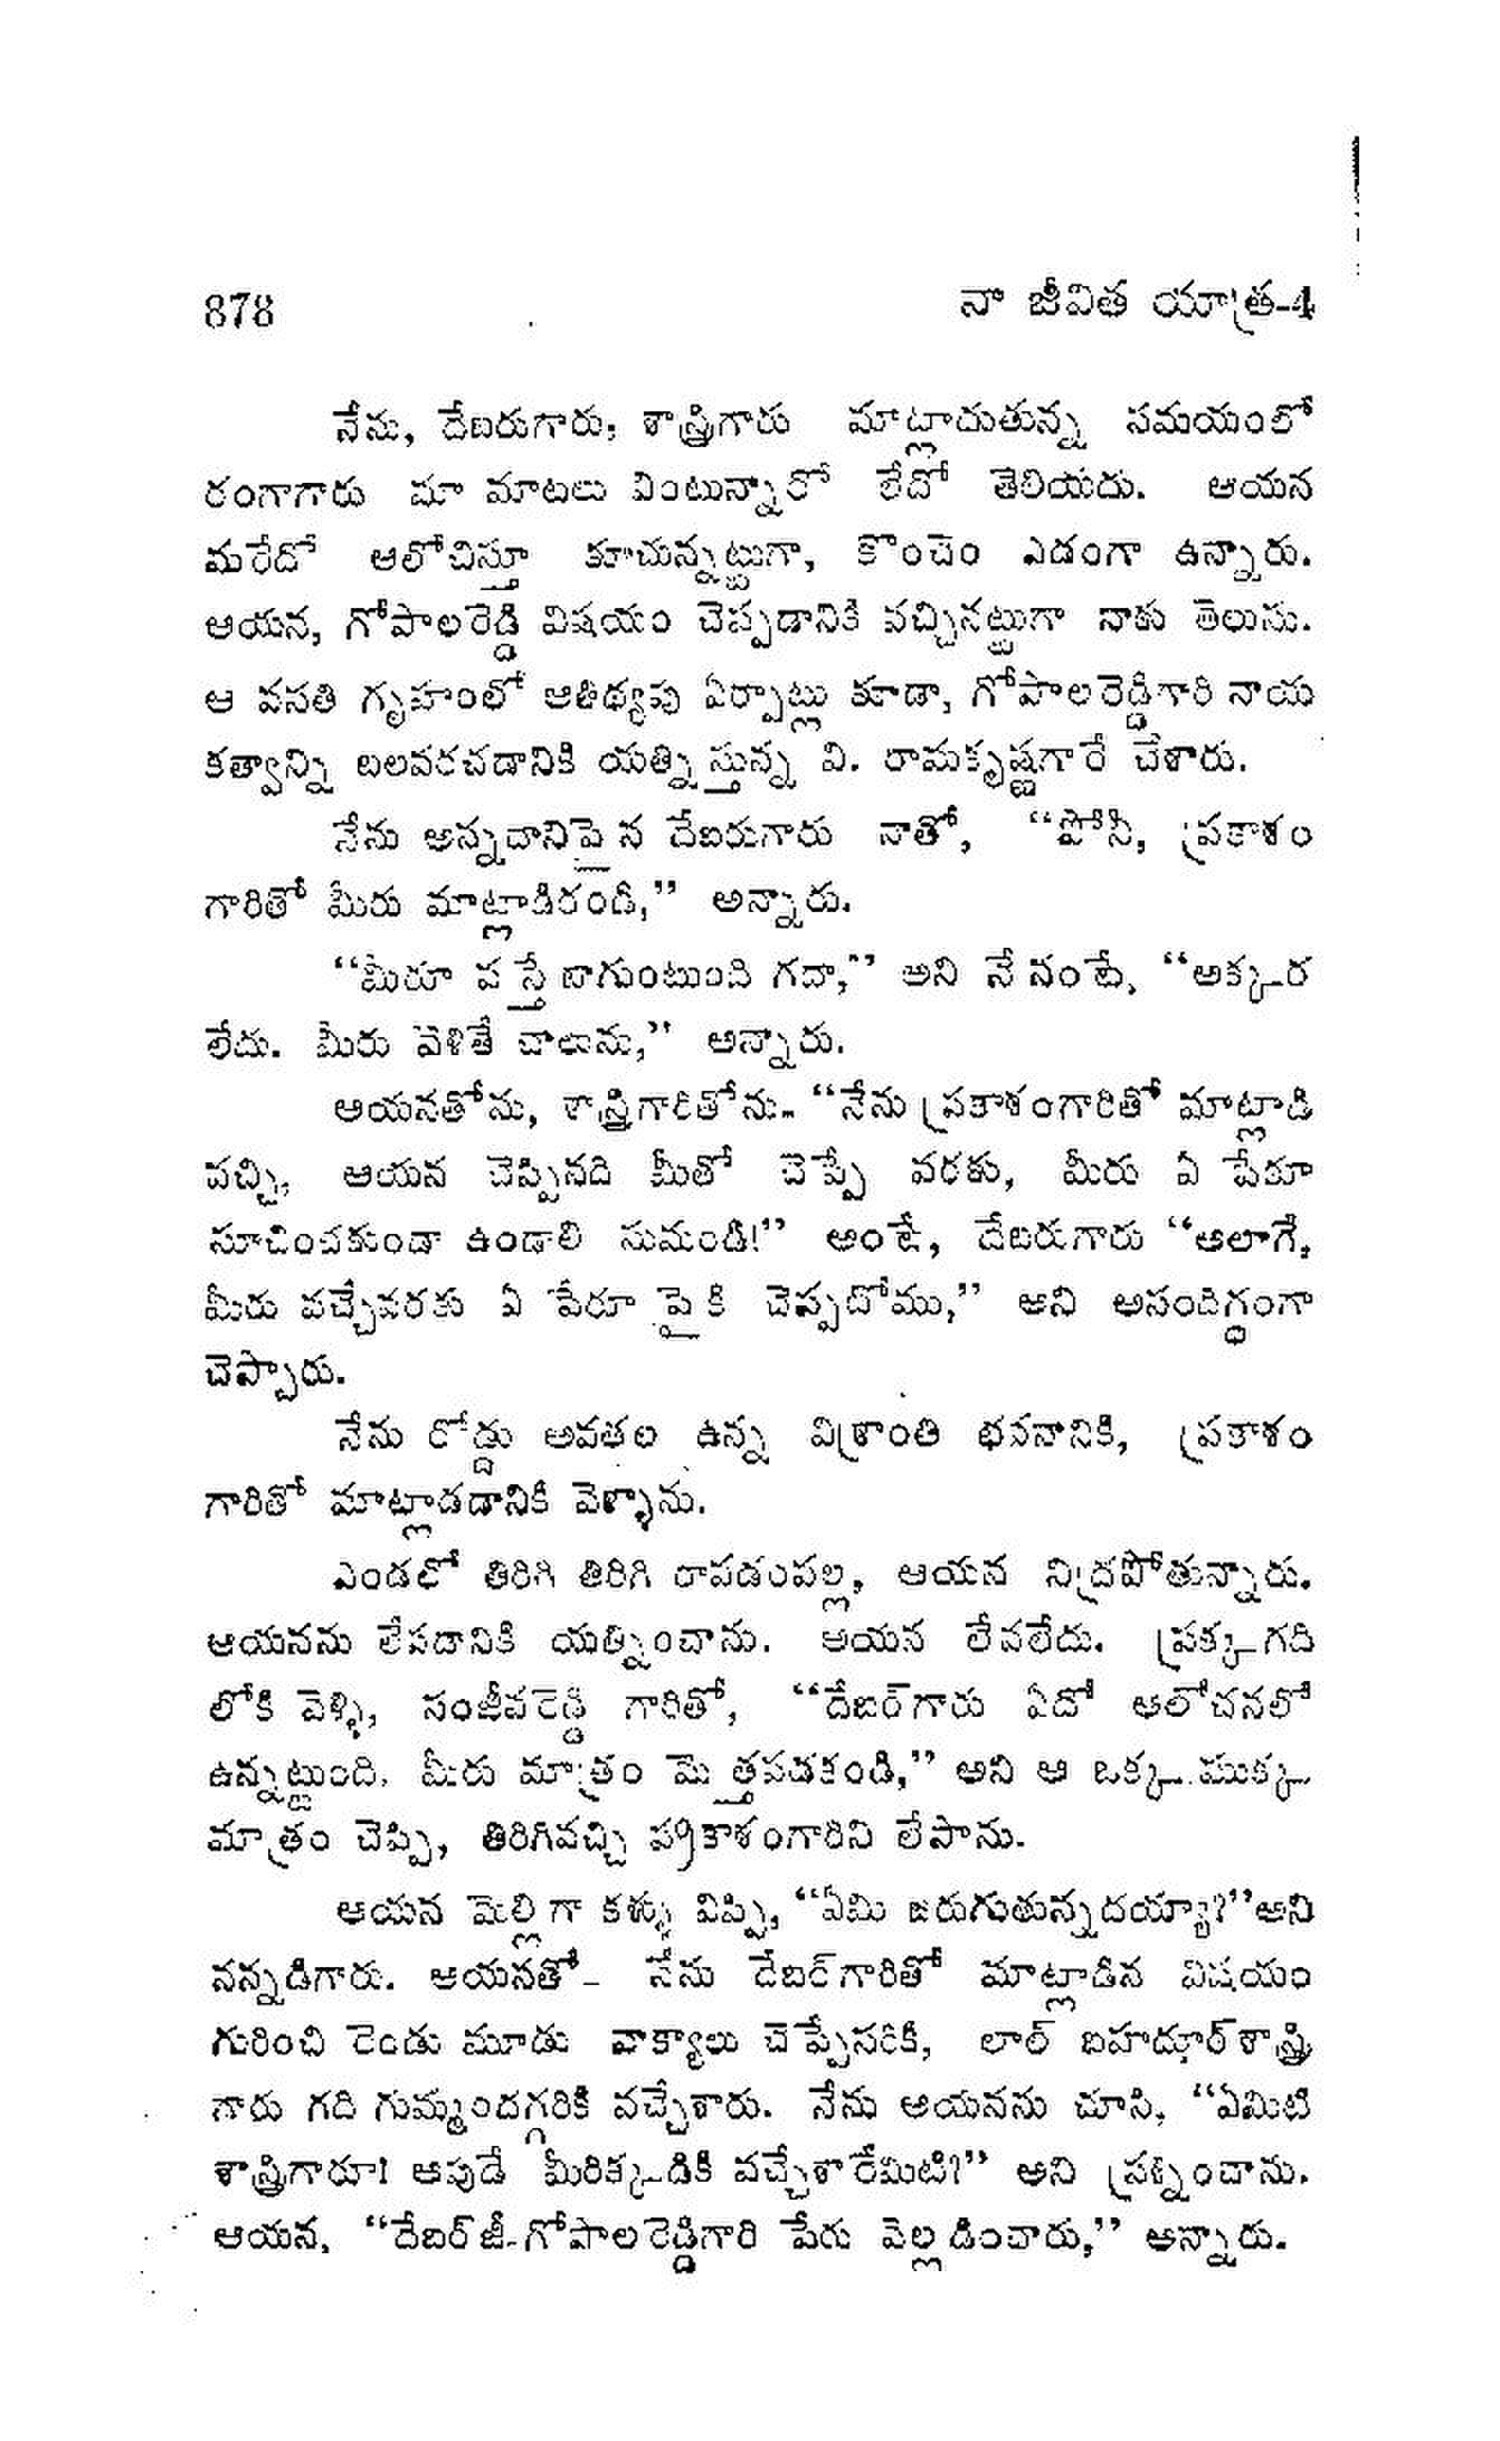నేను, దేబరుగారు, శాస్త్రిగారు మాట్లాడుతున్న సమయంలో రంగాగారు మా మాటలు వింటున్నారో లేదో తెలియదు. ఆయన మరేదో ఆలోచిస్తూ కూచున్నట్టుగా, కొంచెం ఎడంగా ఉన్నారు. ఆయన, గోపాలరెడ్డి విషయం చెప్పడానికి వచ్చినట్టుగా నాకు తెలుసు. ఆ వసతి గృహంలో ఆతిథ్యపు ఏర్పాట్లు కూడా, గోపాలరెడ్డిగారి నాయకత్వాన్ని బలపరచడానికి యత్నిస్తున్న వి. రామకృష్ణగారే చేశారు.

నేను అన్నదానిపైన దేబరుగారు నాతో, "పోనీ, ప్రకాశంగారితో మీరు మాట్లాడిరండి," అన్నారు.

"మీరూ వస్తే బాగుంటుంది గదా," అని నే నంటే, "అక్కరలేదు. మీరు వెళితె చాలును," అన్నారు.

ఆయనతోను, శాస్త్రిగారితోను - "నేను ప్రకాశంగారితో మాట్లాడివచ్చి, ఆయన చెప్పినది మీతో చెప్పే వరకు, మీరు ఏ పేరూ సూచించకుండా ఉండాలి సుమండి!" అంటే, దేబరుగారు "అలాగే, మీరు వచ్చేవరకు ఏ పేరూ పైకి చెప్పబోము," అని అసందిగ్ధంగా చెప్పారు.

నేను రోడ్డు అవతల ఉన్న విశ్రాంతి భవనానికి, ప్రకాశం గారితో మాట్లాడడానికి వెళ్ళాను.

ఎండలో తిరిగి తిరిగి రావడంవల్ల, ఆయన నిద్రపోతున్నారు. ఆయనను లేపడానికి యత్నించాను. ఆయన లేవలేదు. ప్రక్కగదిలోకి వెళ్ళి, సంజీవరెడ్డి గారితో, "దేబర్‌గారు ఏదో ఆలోచనలో ఉన్నట్టుంది. మీరు మాత్రం మెత్తపడకండి," అని అ ఒక్క ముక్క మాత్రం చెప్పి, తిరిగివచ్చి ప్రకాశంగారిని లేపాను.

ఆయన మెల్లిగా కళ్ళు విప్పి, "ఏమి జరుగుతున్నదయ్యా?" అని నన్నడిగారు. ఆయనతో నేను దేబర్‌గారితో మాట్లాడిన విషయం గురించి రెండు మూడు వాక్యాలు చెప్పేసరికి, లాల్ బహదూర్‌శాస్త్రి గారు గది గుమ్మందగ్గరికి వచ్చేశారు. నేను ఆయనను చూసి, "ఏమిటి శాస్త్రిగారూ! అపుడే మీరిక్కడికి వచ్చేశారేమిటి?" అని ప్రశ్నించాను. ఆయన, "దేబర్‌జీ - గోపాలరెడ్డిగారి పేరు వెల్లడించారు," అన్నారు.